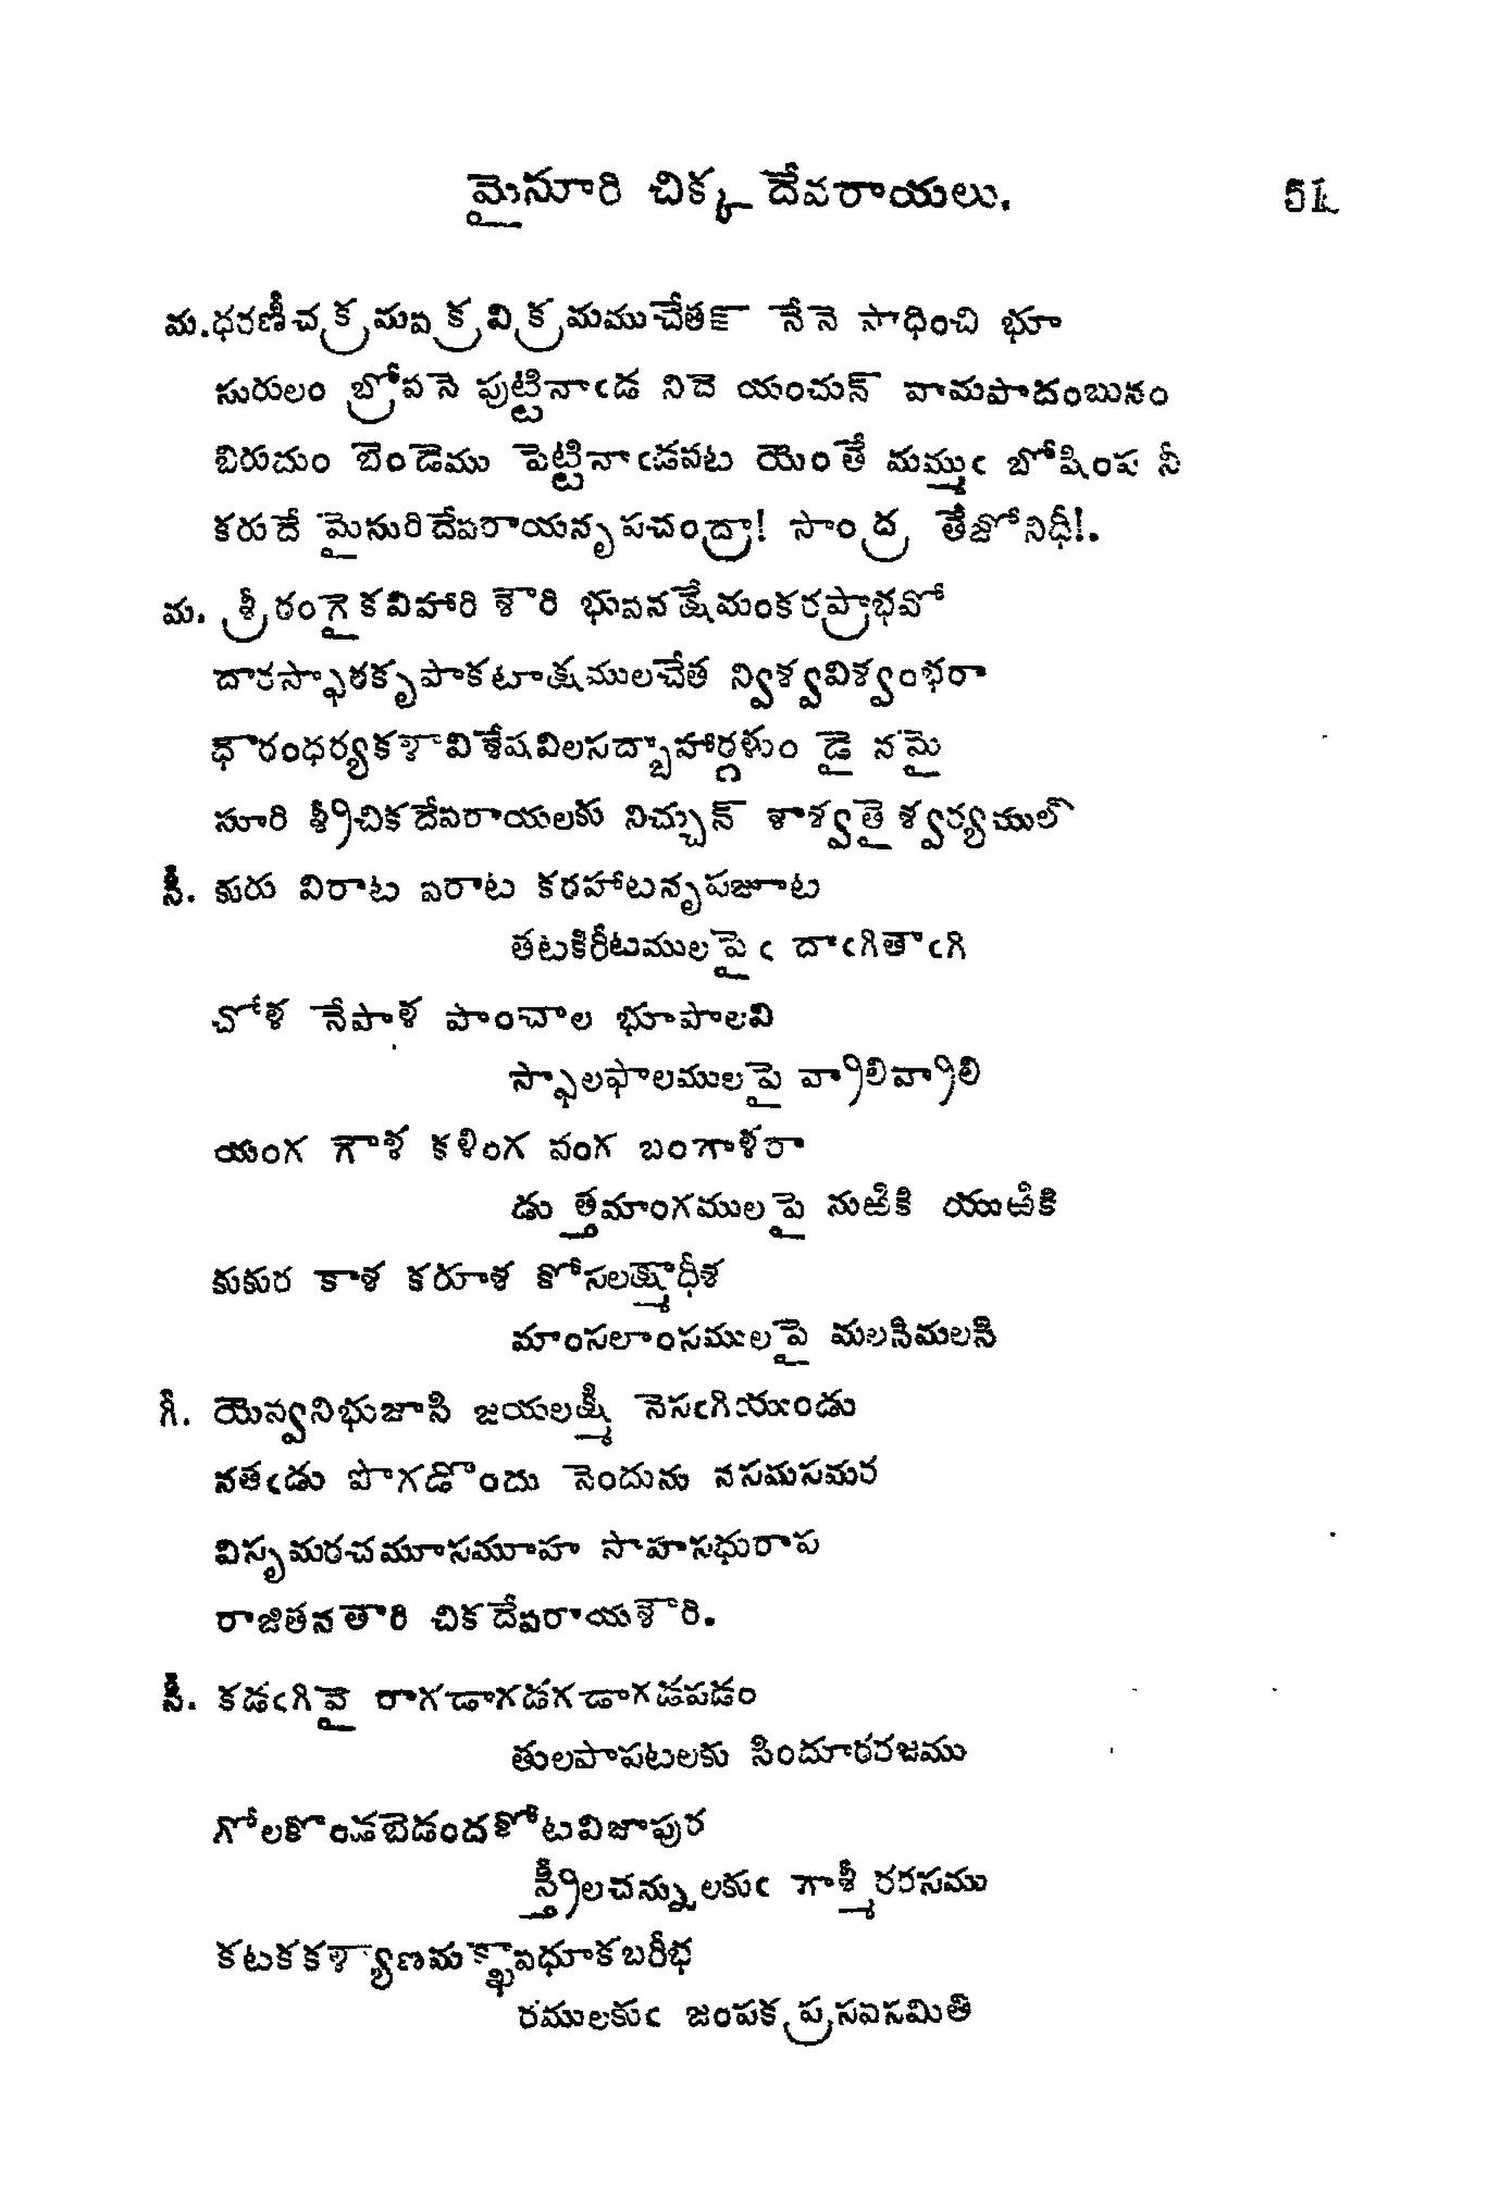మ. ధరణీచక్రమవక్రవిక్రమముచేతన్ నేనె సాధించి భూ
 సురులం బ్రోవనె పుట్టినాఁడ నిదె యంచున్ వామపాదంబునం
 బిరుదుంబెండెము పెట్టినాఁడవఁట యెంతే మమ్ముఁ బోషింప నీ
 కరుదే మైసురిదేవరాయనృపచంద్రా! సాంద్రతేజోనిధీ!
మ. శ్రీరంగైకవిహారి శౌరి భువనక్షేమంకరప్రాభవో
 దారస్ఫారకృపాకటాక్షములచేత న్విశ్వవిశ్వంభరా
 ధౌరంధర్యకళావిశేషవిలసద్బాహార్గళుం డైనమై
 సూరి శ్రీచికదేవరాయలకు నిచ్చున్ శాశ్వతైశ్వర్యముల్.
సీ. కురు విరాట వరాట కరహాటనృపజూట
 తటకిరీటములపైఁ దాఁకితాఁకి
 చోళ నేపాళ పాంచాల భూపాలవి
 స్ఫాలఫాలములపైఁ వ్రాలి వ్రాలి
 యంగ గౌళ కళింగ వంగ బంగాళరా
 డుత్తమాంగములపై నుఱికి యుఱికి
 కకుర కాశ కరూశ కోసలక్ష్మాధీశ
 మాంసలాంసములపై మలసి మలసి
గీ. యెవ్వనిభుజాసి జయలక్ష్మి నెసఁగియుండు
 నతఁడు పొగడొందు నెందును నసమసమర
 విసృమరచమూసమూహ సాహసధురాప
 రాచితనకారి చికదేవరాయశౌరి.
సీ. కడఁగివై రాగడాగడగడాగడపడం
 తులపాపటలకు సిందూరరజము
 గోలకొండబెడందకోటవిజాపుర
 స్త్రీలచన్నులకుఁ గాశ్మీరరసము
 కటకకళ్యాణమక్ఖావధూకబరీభ
 రములకుఁ జంపకప్రసవసమితి